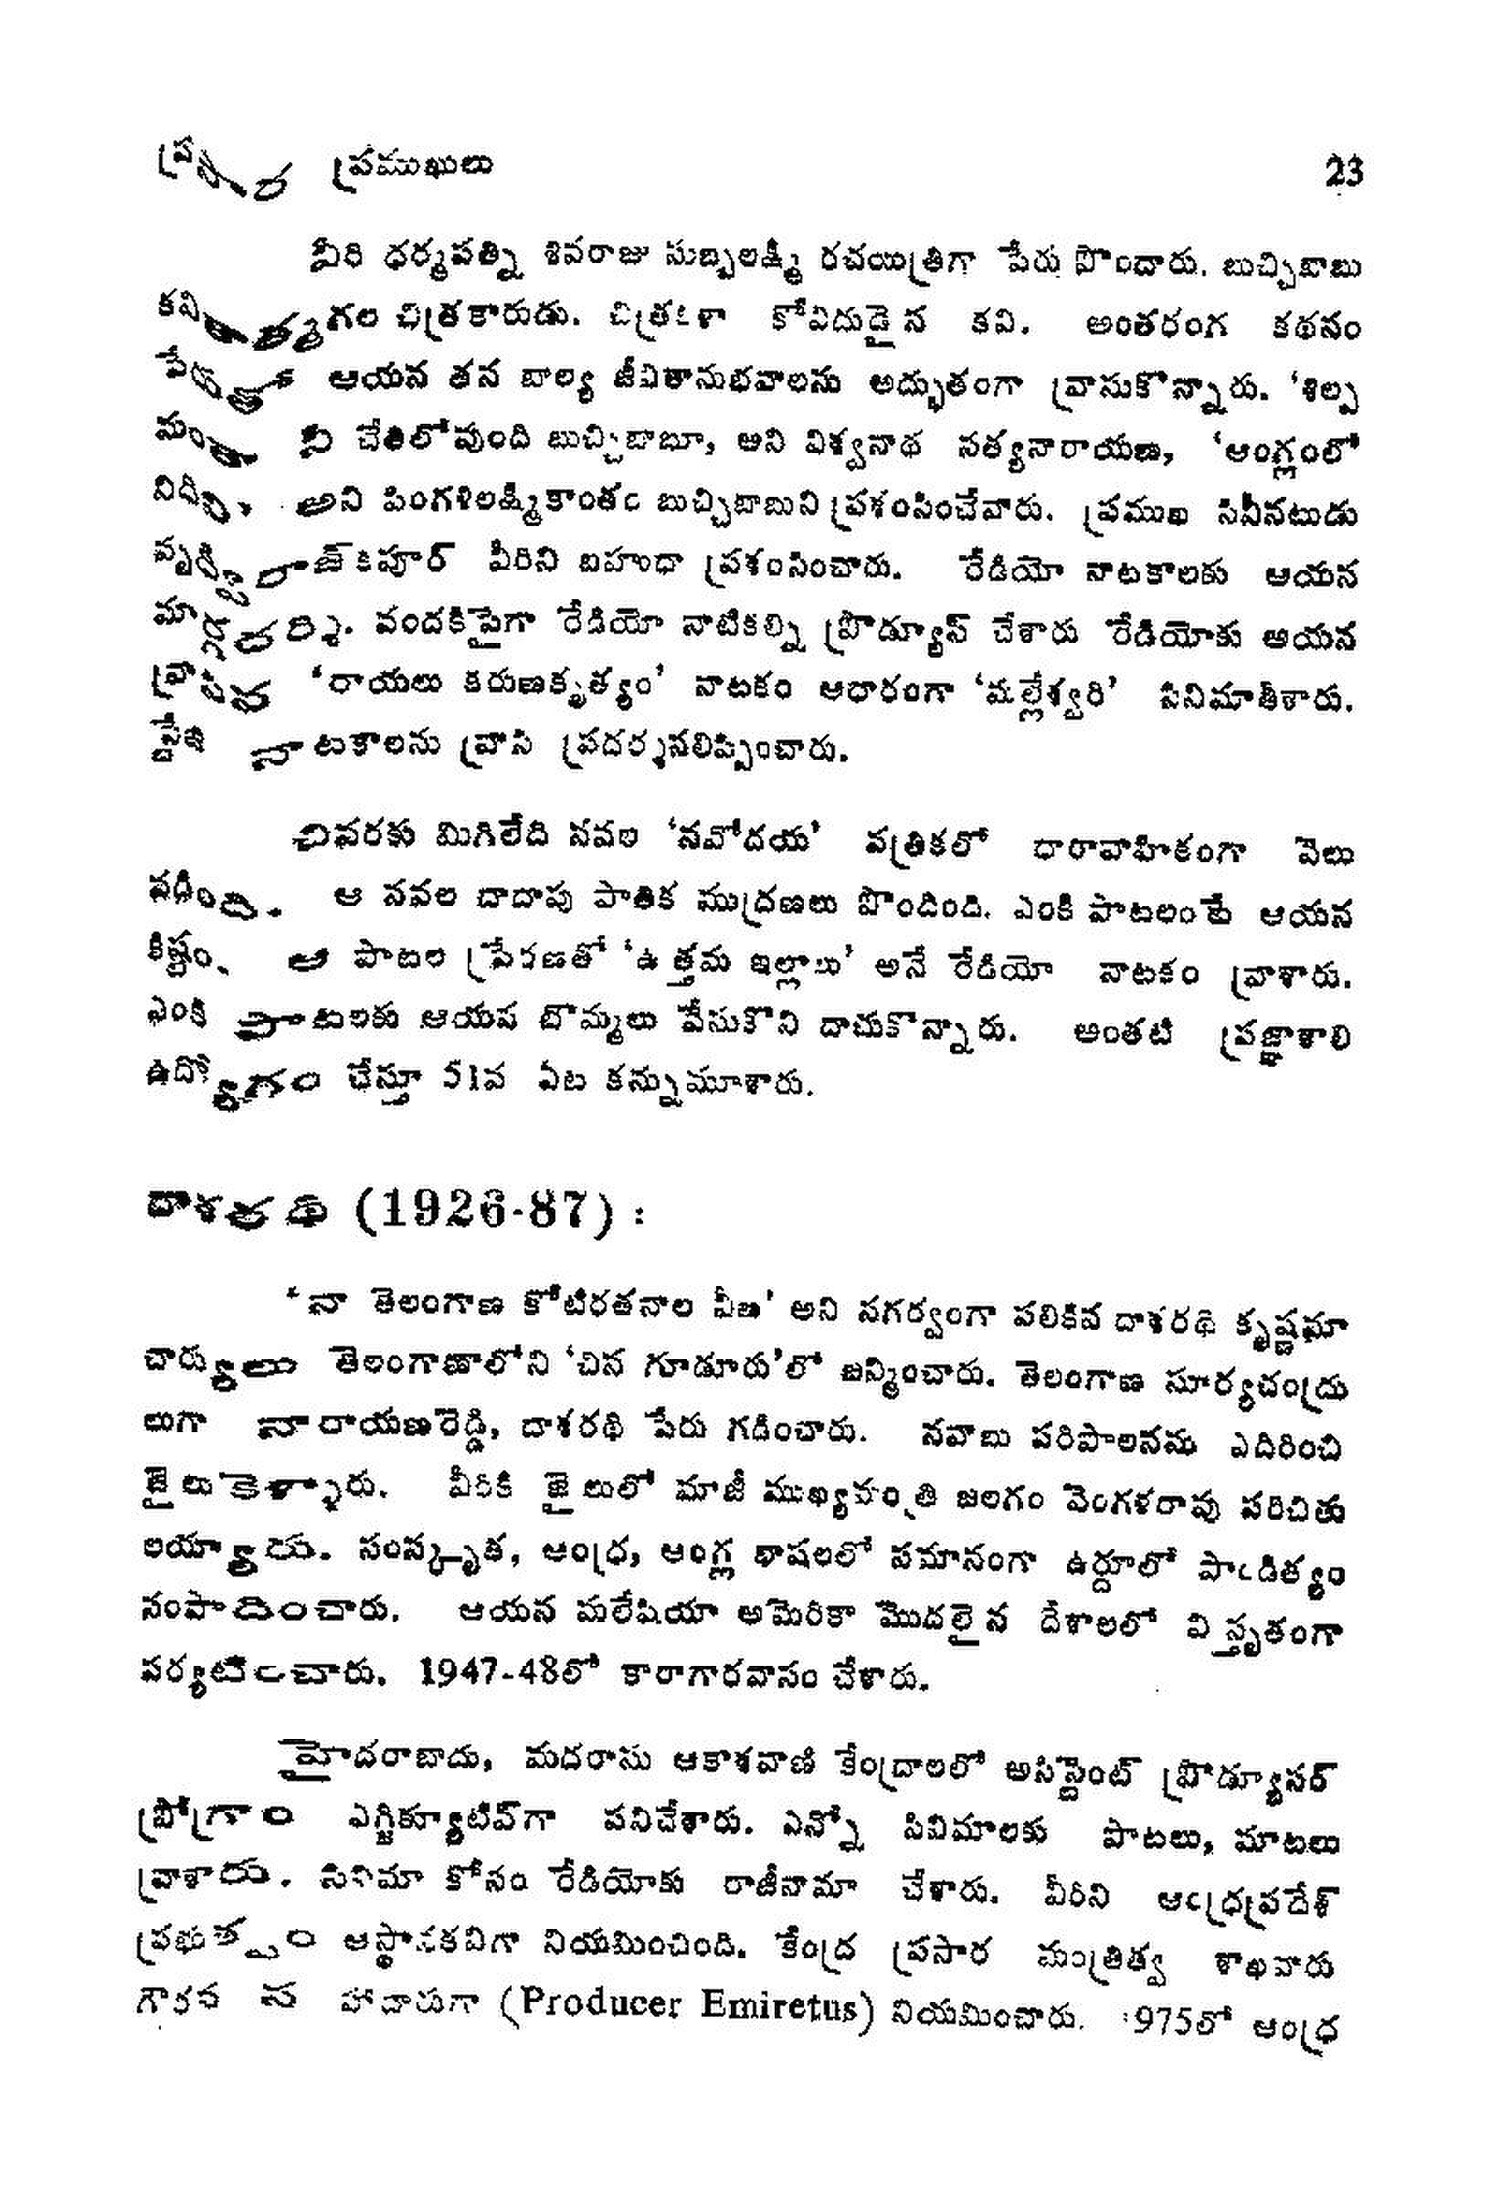వీరి ధర్మపత్ని శివరాజు సుబ్బలక్ష్మి రచయిత్రిగా పేరు పొందారు. బుచ్చిబాబు కవితాత్మగల చిత్రకారుడు. చిత్రకళా కోవిదుడైన కవి. అంతరంగ కథనం పేరుతో ఆయన తన బాల్య జీవితానుభవాలను అద్భుతంగా వ్రాసుకొన్నారు. 'శిల్పమంతా నీ చేతిలోవుంది బుచ్చిబాబూ, అని విశ్వనాథ సత్యనారాయణ, 'ఆంగ్లంలో నిధివి' అని పింగళిలక్ష్మికాంతం బుచ్చిబాబుని ప్రశంసించేవారు. ప్రముఖ సినీనటుడు పృథ్వీరాజ్‌ కపూర్ వీరిని బహుధా ప్రశంసించారు. రేడియో నాటకాలకు ఆయన మార్గదర్శి. వందకిపైగా రేడియో నాటికల్ని ప్రొడ్యూస్ చేశారు రేడియోకు ఆయన వ్రాసిన 'రాయలు కరుణకృత్యం' నాటక ఆధారంగా 'మల్లేశ్వరి' సినిమాతీశారు. స్టేజి నాటకాలను వ్రాసి ప్రదర్శనలిప్పించారు.

చివరకు మిగిలేది నవల 'నవోదయ' పత్రికలో దారావాహికంగా వెలువడింది. ఆ నవల దాదాపు పాతిక ముద్రణలు పొందింది. ఎంకి పాటలంటే ఆయన కిష్టం. ఆ పాటల ప్రేరణతో 'ఉత్తమ ఇల్లాలు' అనే రేడియో నాటకం వ్రాశారు. ఎంకి పాటలకు ఆయన బొమ్మలు వేసుకొని దాచుకొన్నారు. అంతటి ప్రజ్ఞాశాలి ఉద్యోగం చేస్తూ 51 వ ఏట కన్నుమూశారు.

'నా తెలంగాణ కోటిరతనాల వీణ' అని సగర్వంగా పలికిన దాశరథి కృష్ణమాచార్యులు తెలంగాణలోని 'చిన గూడూరు'లో జన్మించారు. తెలంగాణ సూర్యచంద్రులుగా నారాయణరెడ్డి, దాశరథి పేరు గడించారు. నవాబు పరిపాలనను ఎదిరించి జైలుకెళ్ళారు. వీరికి జైలులో మాజీ ముఖ్యమంత్రి జలగం వెంగళరావు పరిచితులయ్యారు. సంస్కృత, ఆంధ్ర, ఆంగ్ల భాషలలో సమానంగా ఉర్దూలో పాండిత్యం సంపాదించారు. ఆయన మలేషియా అమెరికా మొదలైన దేశాలలో విస్తృతంగా పర్యటించారు. 1947-48 కారాగారవాసం చేశారు.

హైదరాబాదు, మదరాసు ఆకాశవాణి కేంద్రాలలో అసిస్టెంట్ ప్రొడ్యూసర్ ప్రోగ్రాం ఎగ్జిక్యూటివ్‌గా పనిచేశారు. ఎన్నో సినిమాలకు పాటలు, మాటలు వ్రాశారు. సినిమా కోసం రేడియోకు రాజీనామా చేశారు. వీరిని ఆంధ్రప్రదేశ్ ప్రభుత్వం ఆస్థానకవిగా నియమించింది. కేంద్ర ప్రసార మంత్రిత్వ శాఖవారు గౌరవ సలహాదారుగా (Producer Emiretus) నియమించారు. 1975లో ఆంధ్ర